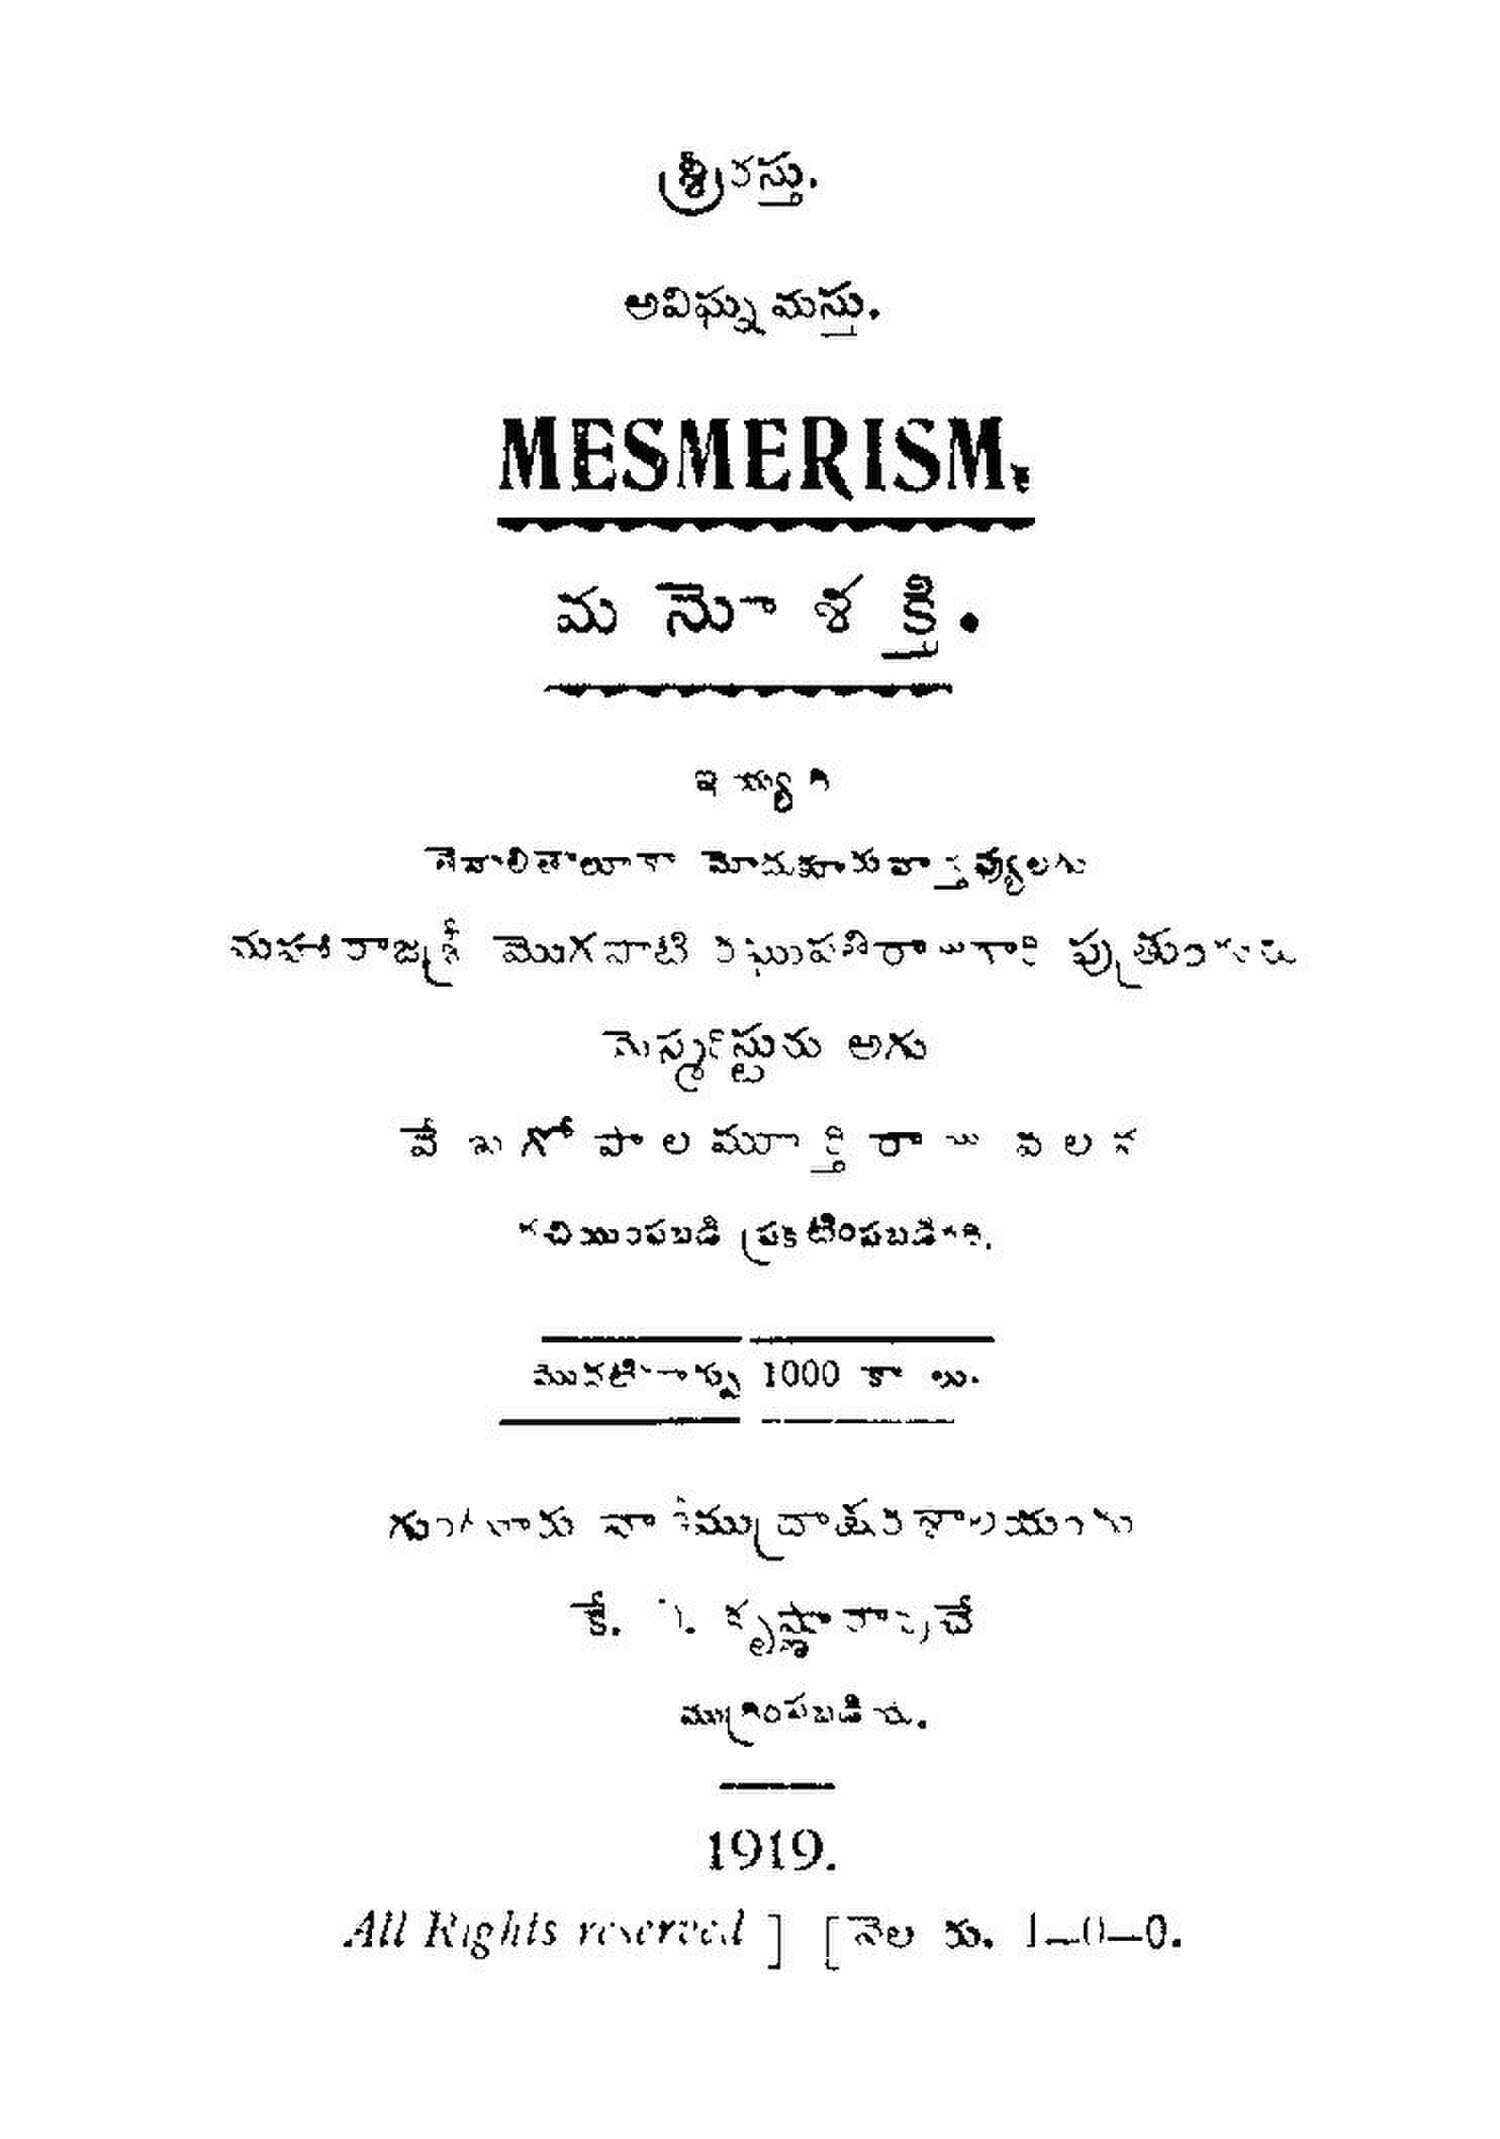MESMERISM

మనోశక్తి.

మెస్మరిస్టును అగు
వేణుగోపాల మూర్తి రాజు వలన

కే. వి. కృష్ణారావుచే

1919.

All Rights reserved

వెల రు. 1 - 0 --0.